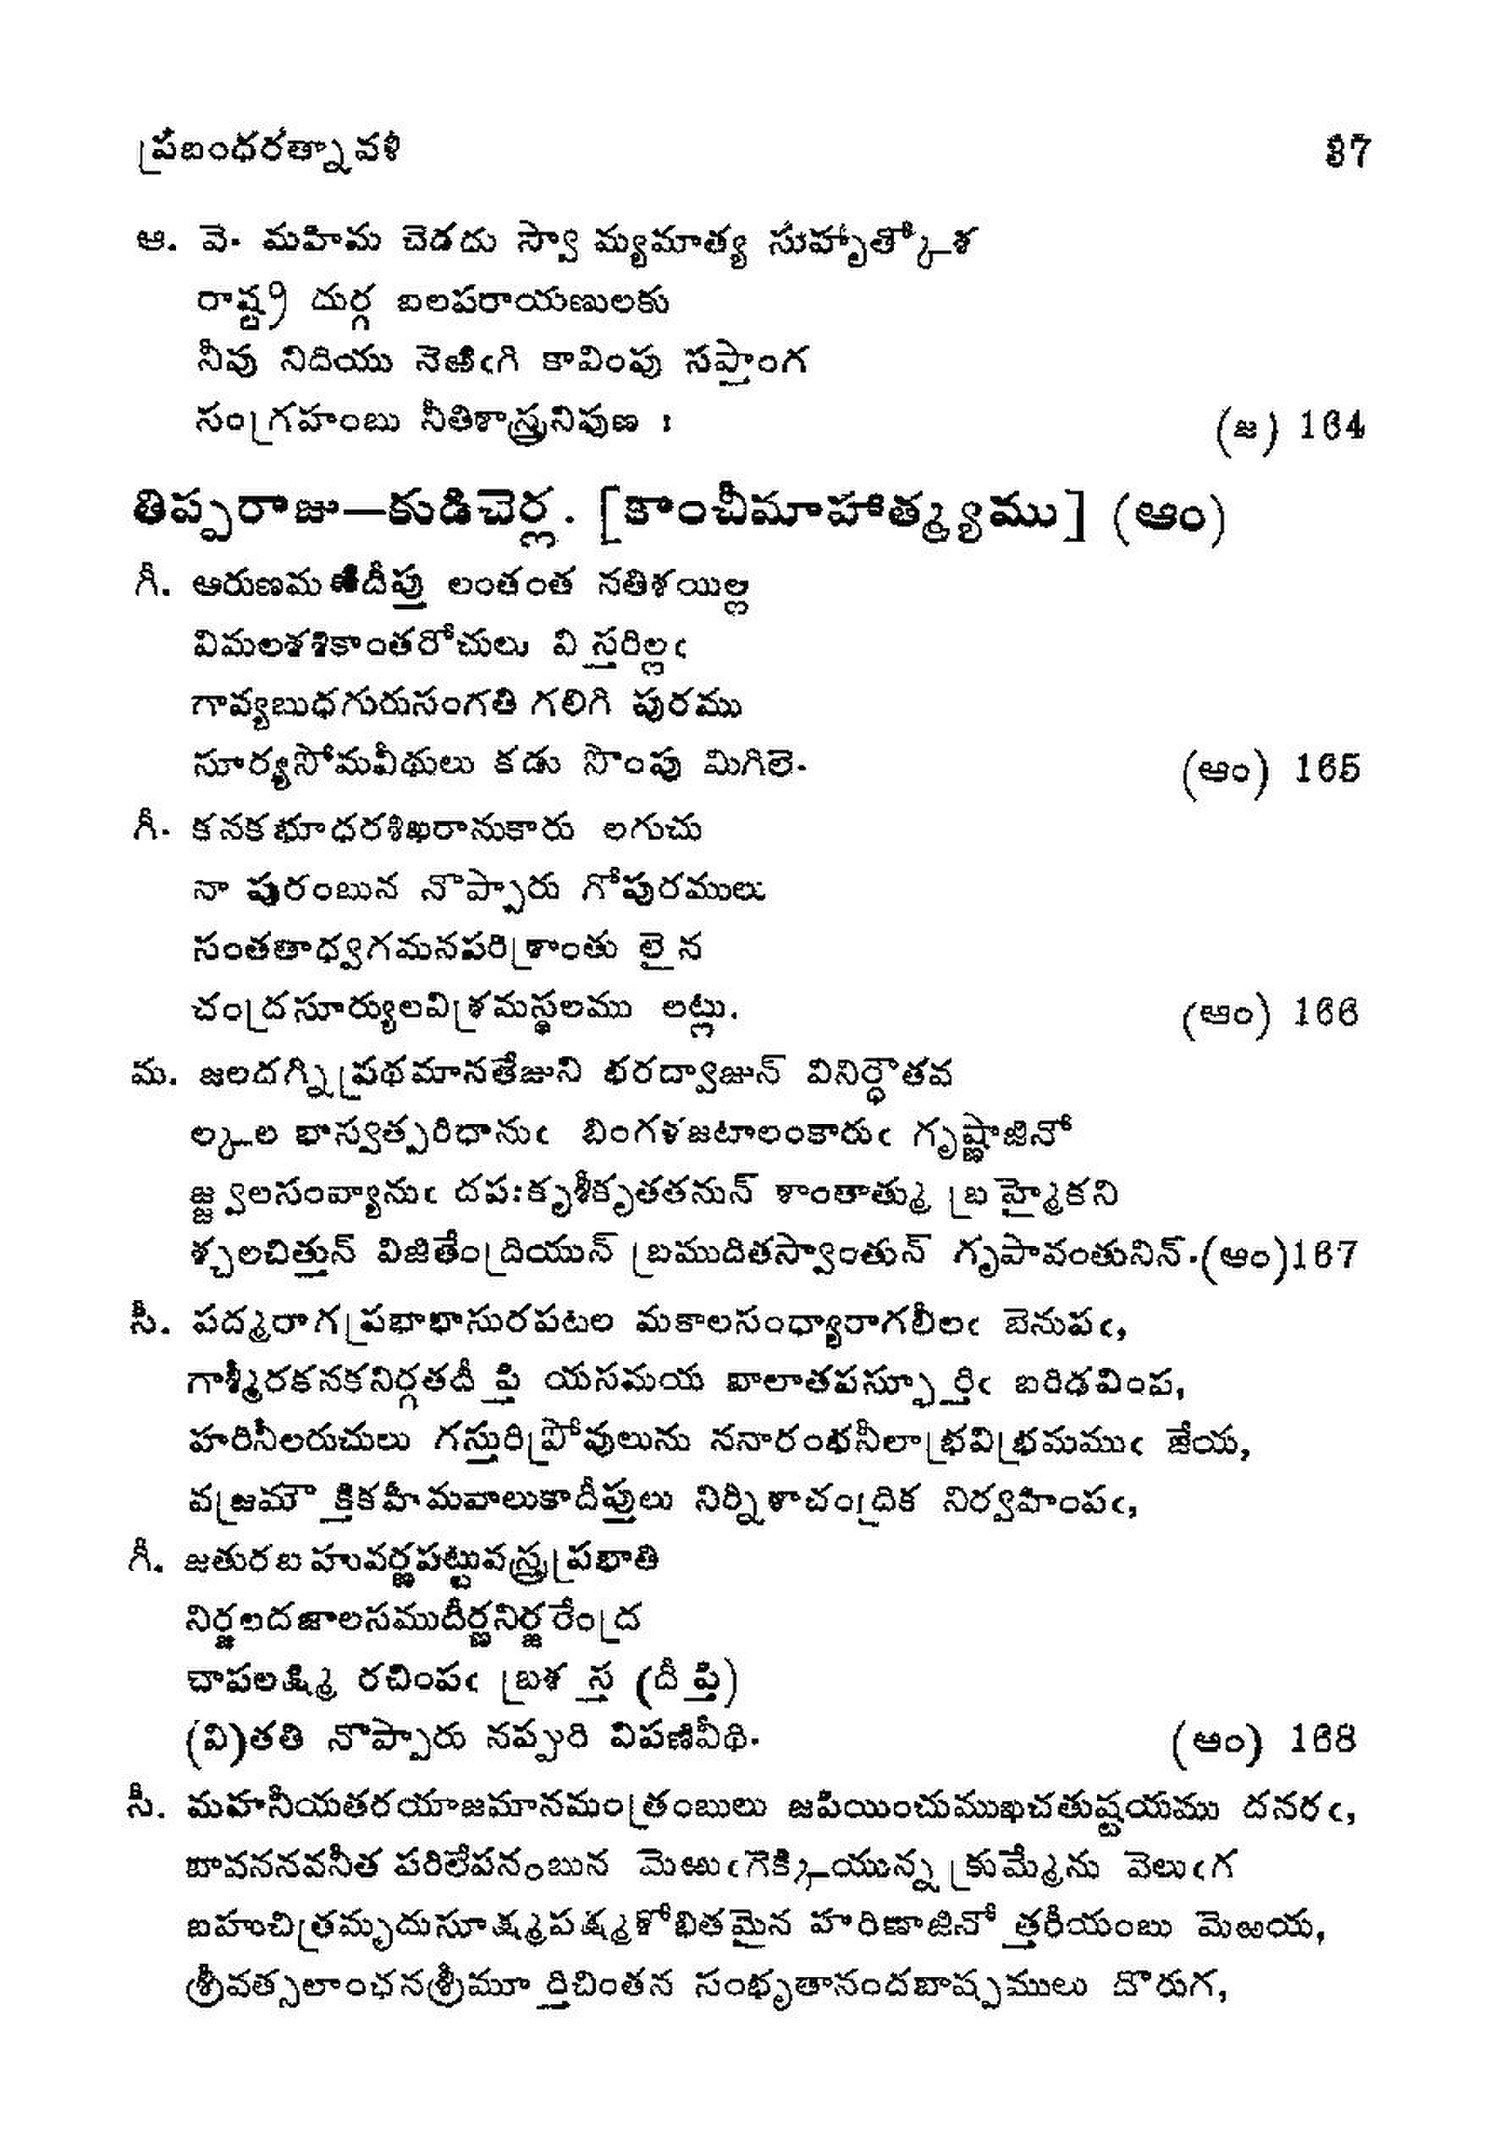ఆ. మహిమ చెడదు స్వామ్యమాత్య సుహృత్కోశ
రాష్ట్రదుర్గబలపరాయణులకు
నీవు నిదియు నెఱిఁగి కావింపు సప్తాంగ
సంగ్రహంబు నీతిశాస్త్రనిపుణ! (జ) 164

గీ. అరుణమణిదీప్తు లంతంత నతిశయిల్ల
విమలశశికాంతరోచులు విస్తరిల్ల
గావ్యబుధగురుసంగతి గలిగి పురము
సూర్యసోమవీథులు కడుసొంపు మిగిలె. (ఆం) 165

గీ. కనకభూధరశిఖరానుకారు లగుచు
నా పురంబున నొప్పారు గోపురములు
సంతతాధ్వగమన పరిశ్రాంతులైన
చంద్రసూర్యుల విశ్రమస్థలములట్లు. (ఆం) 166

మ. జ్వలదగ్ని ప్రథమానతేజుని భరద్వాజున్ వినిర్ధౌత వ
ల్కల భాస్వత్పరిధానుఁ బింగళజటాలంకారుఁ గృష్ణాజినో
జ్జ్వల సంవ్యానుఁ దపః కృశీకృతతనున్ శాంతాత్ము బ్రహ్మైక ని
శ్చలచిత్తున్ విజితేంద్రియున్ బ్రముదితస్వాంతున్ గృపావంతునిన్. (ఆం) 167

సీ. పద్మరాగప్రభాభాసురపటల మ కాల సంధ్యారాగ లీలఁ బెనుపఁ,
గాశ్మీర కనకనిర్గతదీప్తి యసమయ బాలాతపస్ఫూర్తిఁ బరిఢవింప,
హరినీలరుచులు గస్తురిప్రోవులును ననా రంభ నీలాభ్రవిభ్రమముఁ జేయ,
వజ్రమౌక్తిక హిమవాలుకాదీప్తులు నిర్నిశాచంద్రిక నిర్వహింపఁ,
గీ. జతురబహువర్ణ పట్టవస్త్ర ప్రభాతి
నిర్జలద జాల సముదీర్ణ నిర్జరేంద్ర
చాపలక్ష్మి రచింపఁ బ్రశస్త [దీప్తి]
[వి]తతి నొప్పారు నప్పురి విపణివీథి. (ఆం) 168

సీ. మహనీయతర యాజమాన మంత్రంబులు జపియించు ముఖచతుష్టయము దనరఁ,
బావన నవనీత పరిలేపనంబున మెఱుఁగెక్కియున్న క్రుమ్మేను వెలుఁగ,
బహుచిత్రమృదుసూక్ష్మపక్ష్మశోభితమైన హరిణాజినోత్తరీయంబు మెఱయ,
శ్రీవత్సలాంఛన శ్రీమూర్తిచింతన సంభృతానందబాష్పములు దొరుగ,